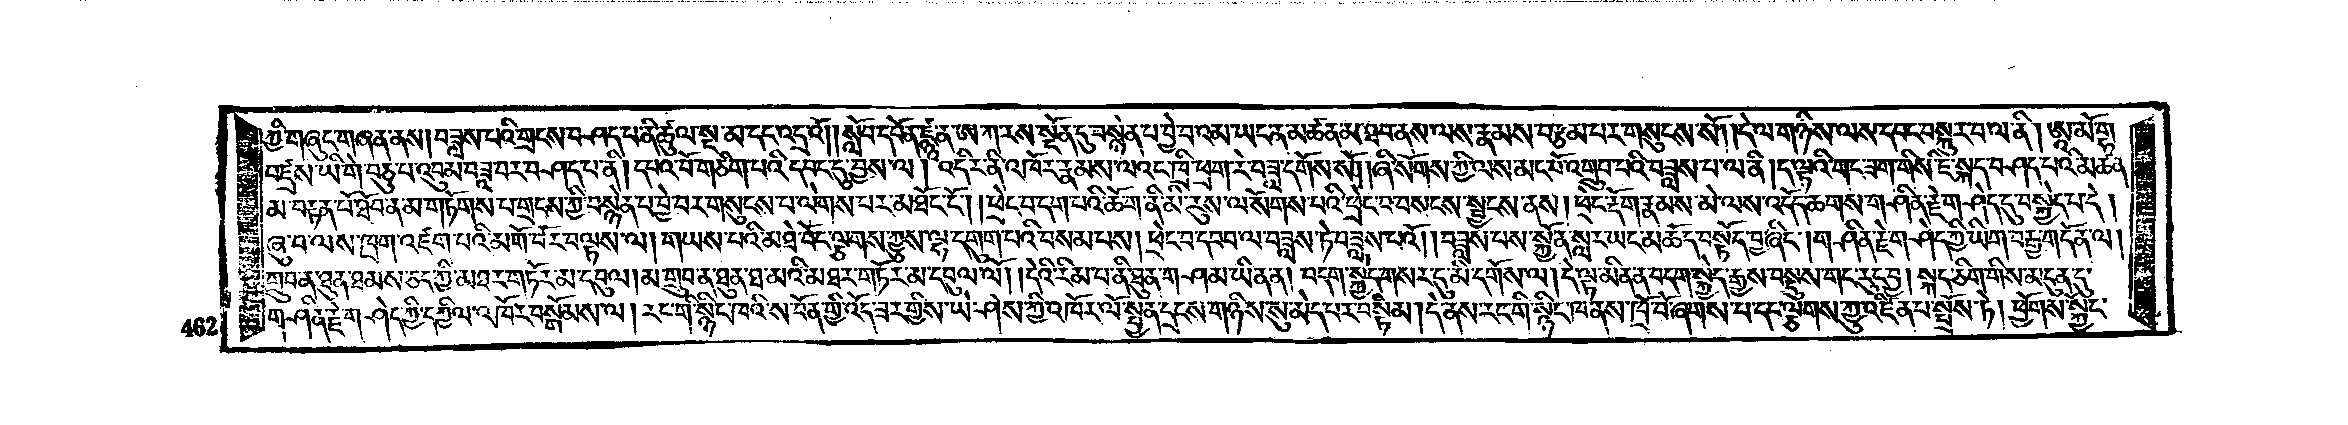ཀྱི་གཞུང་གཞན་ནས། བཟླས་པའི་གྲངས་བཤད་པ་ནི་ཚུལ་སྔ་མ་དང་འདྲ་འོ། །སློབ་དཔོན་ཛྙཱ་ན་ཨ་ཀ་རས་སྔོན་དུ་བསྙེན་པ་བྱེ་བ་འམ་ཡང་ན་མཚན་མ་ཐོབ་ནས་ལས་རྣམས་བརྩམ་པར་གསུངས་སོ། །དེ་ལ་གཉིས་ལས་དབང་བསྐུར་བ་ལ་ནི། ཨཱ་མོ་གྷ་
བཛྲས་ཡི་གེ་བཅུ་པ་འབུམ་བཟླ་བར་བཤད་པ་ནི། དཔའ་བོ་གཅིག་པའི་དབང་དུ་བྱས་ལ། འདིར་ནི་འཁོར་རྣམས་ལའང་ཁྲི་ཕྲག་རེ་བཟླ་དགོས་སོ། །ཞི་སོགས་ཀྱི་ལས་མང་པོ་འགྲུབ་པའི་བཟླས་པ་ལ་ནི། དེ་ལྟའི་གང་ཟག་གིས་ཇི་སྐད་བཤད་པའི་མཚན་
མ་བརྟན་པོ་ཐོབ་ན་མ་གཏོགས་པ་གྲངས་ཀྱི་བསྙེན་པ་བྱེ་བར་གསུངས་པ་ལེགས་པར་མཐོང་ངོ། །ཕྲེང་བ་དག་པའི་ཆོ་ག་ནི་མི་རུས་ལ་སོགས་པའི་ཕྲེང་བ་བསངས་སྦྱངས་ནས། ཕྲེང་རྡོག་རྣམས་མེ་ལས་འདོད་ཆགས་གཤིན་རྗེ་གཤེད་དུ་བསྐྱེད་པ་དེ།
ཞུ་བ་ལས་ཁྲག་འཛག་པའི་མགོ་བོར་བལྟས་ལ། གཡས་པའི་མཐེ་བེང་ལྕགས་ཀྱུས་ལྷ་དགུག་པའི་བསམ་པས། ཕྲེང་བ་དབབ་ལ་བཟླས་ཏེ་བཟླས་པའོ། །བཟླས་པས་སྐྱོན་སླར་ཡང་མཆོད་བསྟོད་བྱ་ཞིང་། གཤིན་རྗེ་གཤེད་ཀྱི་ཡིག་བརྒྱ་གདོན་ལ།
གྲུབ་ན་ཐུན་ཐམས་ཅད་ཀྱི་མཐར་གཏོར་མ་དབུལ། མ་གྲུབ་ན་ཐུན་ཐ་མའི་མཐར་གཏོར་མ་དབུལ་ལོ། །དེའི་རིམ་པ་ནི་ཐུན་གཤམ་ཡིན་ན། བདག་སྐྱེད་གསར་དུ་མི་དགོས་ལ། དེ་ལྟ་མིན་ན་བདག་སྐྱེད་རྒྱས་བསྡུས་གང་རུང་བྱ། སྐད་ཅིག་གིས་མདུན་དུ་
གཤིན་རྗེ་གཤེད་ཀྱི་དཀྱིལ་འཁོར་བསྒོམས་ལ། རང་གི་སྙིང་ཁའི་ས་བོན་གྱི་འོད་ཟེར་གྱིས་ཡེ་ཤེས་ཀྱི་འཁོར་ལོ་སྤྱན་དྲངས་གཉིས་སུ་མེད་པར་བསྟིམ། དེ་ནས་རང་གི་སྙིང་ཁ་ནས་ཁྲོ་བོ་ཞགས་པ་དང་ལྕགས་ཀྱུ་འཛིན་པ་སྤྲོས་ཏེ། ཕྱོགས་སྐྱོང་